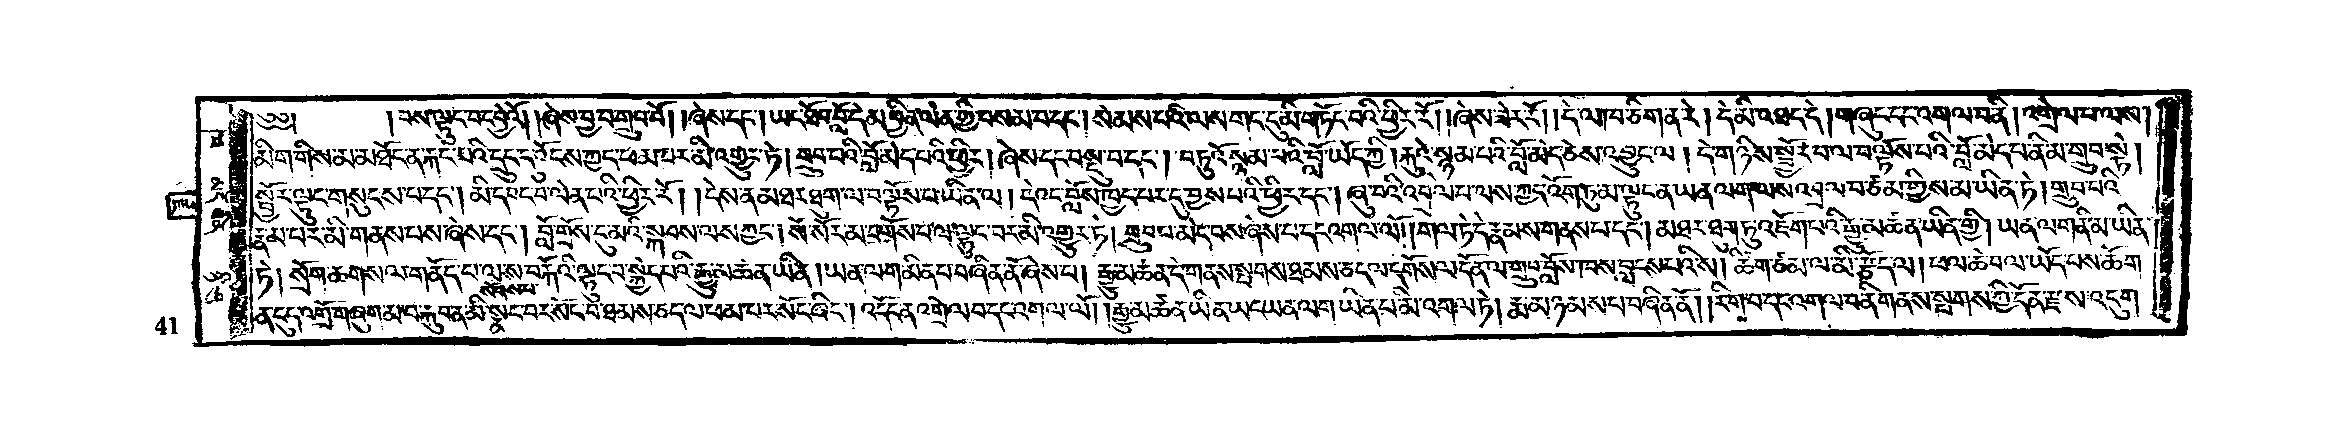༄༅། །བས་ལྟུང་བ་དབྱེའོ། །ཞེས་བྱ་བ་གྲུབ་བོ། །ཞེས་དང་། ཡང་ཐོབ་བློ་དེ་མ་བྱིན་ལེན་གྱི་བསམ་བ་དང་། སེམས་པའི་ལས་གང་དུ་མི་གཏོང་བའི་ཕྱིར་རོ། །ཞེས་ཟེར་རོ། །དེ་ལ་ཁ་ཅིག་ན་རེ། དེ་མི་འཐད་དེ། གཞུང་དང་འགལ་བ་ནི། འགྲེལ་པ་ལས།
མིག་གིས་མ་མཐོང་ན་རྐང་པའི་དྲུང་དུ་འོངས་ཀྱང་ཕམ་པར་མི་འགྱུར་ཏེ། གྲུབ་པའི་བློ་མེད་པའི་ཕྱིར། ཞེས་དང་བསྡུ་བ་དང་། བཏུའོ་སྙམ་པའི་བློ་ཡོད་ཀྱི། རྐུའི་སྙམ་པའི་བློ་མེད་ཅེས་འབྱུང་ལ། དེ་གཉིས་སྦྱོར་བ་ལ་བལྟོས་པའི་བློ་མེད་པ་ནི་མ་གྲུབ་སྟེ།
སྦྱོར་ལྟུང་གསུངས་པ་དང་། མི་དབང་བ་ལེན་པའི་ཕྱིར་རོ། །དེས་ན་མཐར་ཐུག་ལ་བལྟོས་པ་ཡིན་ལ། དེའང་བློས་ཁྱད་པར་དུ་བྱས་པའི་ཕྱིར་དང་། ཞུ་བའི་འབྲེལ་པ་ལས་ཀྱང་འོག་ཏུ་མ་ལྟུང་ན་ཡན་ལག་པས་འབྲལ་བ་ཙམ་གྱིས་མ་ཡིན་ཏེ། གྲུབ་པའི་
རྣམ་པར་མི་གནས་པས་ཞེས་དང་། བློ་གྲོས་དུ་མའི་སྐབས་ལས་ཀྱང་། སོ་སོར་མ་བགོས་པ་ལ་ལྟུང་བར་མི་འགྱུར་ཏེ། གྲུབ་པ་མེད་པས་ཞེས་པ་དང་འགལ་ལོ། །གལ་ཏེ་དེ་རྣམས་གནས་པ་དང་། མཐར་ཐུག་ཏུ་འཇོག་པའི་རྒྱུ་མཚན་ཡིན་གྱི། ཡན་ལག་ནི་མ་ཡིན་
ཏེ། སྲོག་ཆགས་ལ་གནོད་པ་ལ་སོགས་པ་ས་བརྐོའི་ལྟུང་བ་སྐྱེད་པའི་རྒྱུ་མཚན་ཡིན། ཡན་ལག་མིན་པ་བཞིན་ནོ་ཞས་པ། རྒྱུ་མཚན་དེ་གནས་སྤགས་ཐམས་ཅད་ལ་དགོས་ལ་དོན་ལ་གྲུབ་བློས་ཁས་བླངས་པའི་ས། ཚིག་ཙམ་ལ་མི་རྩོད་ལ། ཕལ་ཆེ་བ་ལ་ཡོད་པས་ཆོག་
ན་དུད་འགྲོ་གཞུག་མ་བ་རྐུ་བ་ན་མི་སྣང་བར་སོང་བ་ཐམས་ཅད་ལ་ཕམ་པར་སོང་ཞིང་། འདོད་ན་འགྲེལ་བ་དང་འགལ་ལོ། །རྒྱུ་མཚན་ཡིན་ཡང་ཡན་ལག་ཡིན་པ་མི་འགལ་ཏེ། རྨ་མཉམས་པ་བཞིན་ནོ། །རིགས་པ་དང་འགལ་བ་ནི་གནས་སྤགས་ཀྱི་དོན་རྫས་འདུག་